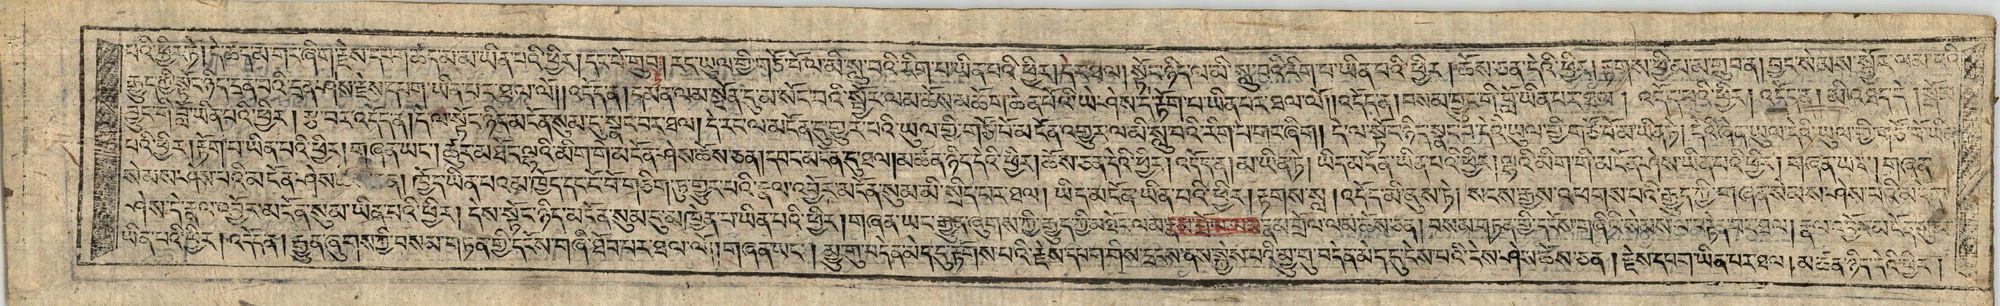པའི་ཕྱིར་ཏེ། དེ་ཚད་མ་གང་ཞིག་རྗེས་དཔག་ཚད་མ་མ་ཡིན་པའི་ཕྱིར། དང་པོ་གྲུབ་ཏེ། རང་ཡུལ་གྱི་གཙོ་བོ་ལ་མི་སླུ་བའི་རིག་པ་ཡིན་པའི་ཕྱིར། དེར་ཐལ། སྟོང་ཉིད་ལ་མི་སླུ་བའི་རིག་པ་ཡིན་པའི་ཕྱིར། ཆོས་ཅན་དེའི་ཕྱིར། རྟགས་ཕྱི་མ་མ་གྲུབ་ན། བྱང་སེམས་སྦྱོར་ལམ་པའི་
རྒྱུད་ཀྱི་སྟོང་ཉིད་དྲན་པའི་དྲན་ཤེས་རྗེས་དཔག་ཡིན་པར་ཐལ་ལོ། །འདོད་ན། དམན་ལམ་སྔོན་དུ་མ་སོང་བའི་སྦྱོར་ལམ་ཆོས་མཆོག་ཆེན་པོའི་ཡེ་ཤེས་དེ་རྟོག་པ་ཡིན་པར་ཐལ་ལོ། །འདོད་ན། བསམ་བྱུང་གི་བློ་ཡིན་པར་ཐལ། འདོད་པའི་ཕྱིར། འདོད་ན། མི་འཐད་དེ། སྒོམ་
བྱུང་གི་བློ་ཡིན་པའི་ཕྱིར། རྩ་བར་འདོད་ན། དེ་ལ་སྟོང་ཉིད་མངོན་སུམ་དུ་སྣང་བར་ཐལ། དེ་རང་ལ་མངོན་དུ་གྱུར་པའི་ཡུལ་གྱི་གཙོ་བོ་མངོན་འགྱུར་ལ་མི་སླུ་བའི་རིག་པ་གང་ཞིག །དེ་ལ་སྟོང་ཉིད་སྣང་བ་དེའི་ཡུལ་གྱི་གཙོ་བོ་མ་ཡིན་ཏེ། དེའི་ཞེན་ཡུལ་དེའི་ཡུལ་གྱི་གཙོ་བོ་ཡིན་
པའི་ཕྱིར། རྟོག་པ་ཡིན་པའི་ཕྱིར། གཞན་ཡང་། ཚུར་མཐོང་ལྷའི་མིག་གི་མངོན་ཤེས་ཆོས་ཅན། དབང་མངོན་དུ་ཐལ། མཚན་ཉིད་དེའི་ཕྱིར། ཆོས་ཅན་དེའི་ཕྱིར། འདོད་ན། མ་ཡིན་ཏེ། ཡིད་མངོན་ཡིན་པའི་ཕྱིར། ལྷའི་མིག་གི་མངོན་ཤེས་ཡིན་པའི་ཕྱིར། གཞན་ཡང་། གཞན་
སེམས་ཤེས་པའི་མངོན་ཤེས་ཆོས་ཅན། ཁྱོད་ཡིན་པའམ་ཁྱོད་དང་ངོ་བོ་གཅིག་ཏུ་གྱུར་པའི་རྣལ་འབྱོར་མངོན་སུམ་མི་སྲིད་པར་ཐལ། ཡིད་མངོན་ཡིན་པའི་ཕྱིར། རྟགས་སླ། འདོད་མི་ནུས་ཏེ། སངས་རྒྱས་འཕགས་པའི་རྒྱུད་ཀྱི་གཞན་སེམས་ཤེས་པའི་མངོན་
ཤེས་དེ་རྣལ་འབྱོར་མངོན་སུམ་ཡིན་པའི་ཕྱིར། དེས་སྟོང་ཉིད་མངོན་སུམ་དུ་མཁྱེན་པ་ཡིན་པའི་ཕྱིར། གཞན་ཡང་རྒྱུན་ཞུགས་ཀྱི་རྒྱུད་ཀྱི་མཐོང་ལམ་རྣམ་གྲོལ་ལམ་ཆོས་ཅན། བསམ་གཏན་གྱི་དངོས་གཞིའི་སེམས་ལ་བརྟེན་པར་ཐལ། རྣལ་འབྱོར་མངོན་སུམ་
ཡིན་པའི་ཕྱིར། འདོད་ན། རྒྱུན་ཞུགས་ཀྱིས་བསམ་གཏན་གྱི་དངོས་གཞི་ཐོབ་པར་ཐལ་ལོ། །གཞན་ཡང་། མྱུ་གུ་བདེན་མེད་དུ་རྟོགས་པའི་རྗེས་དཔག་གིས་དྲངས་ནས་སྐྱེས་པའི་མྱུ་གུ་བདེན་མེད་དུ་ངེས་པའི་ངེས་ཤེས་ཆོས་ཅན། རྗེས་དཔག་ཡིན་པར་ཐལ། མཚན་ཉིད་དེའི་ཕྱིར།